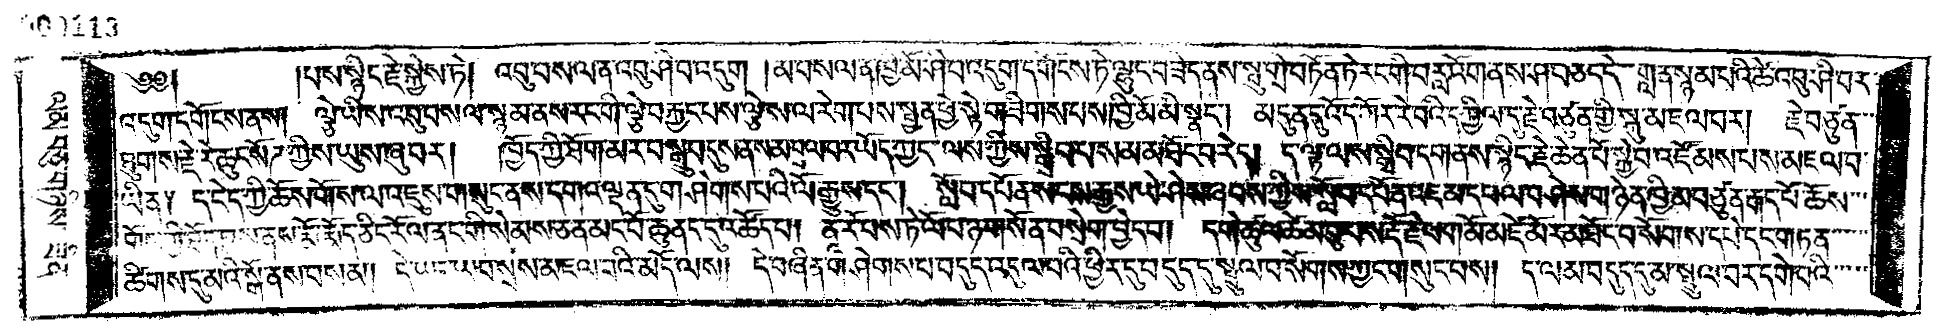༄༅། །པས་སྙིང་རྗེ་སྐྱེས་ཏེ། འབུ་བསལ་ན་འབུ་ཤི་བ་འདུག །མ་བསལ་ན་ཁྱི་མོ་ཤི་བ་འདུག་དགོངས་ཏེ་ལྷུང་བཟེད་ནས་སྤུ་གྲི་བཏོན་ཏེ་རང་གི་བརླ་འོག་ནས་ཤ་བཅད་དེ་གླན་སྙམ་པའི་ཚེ་འབུ་ཤི་བར་
འདུག་དགོངས་ནས། ལྕེ་ཡིས་འབུ་བསལ་སྙམ་ནས་རང་གི་ལྕེ་བརྐྱང་པས་ལྕེ་ས་ལ་རེག་པས་སྤྱན་ཕྱེ་སྟེ་གཟིགས་པས་ཁྱི་མོ་མི་སྣང་། མདུན་དུ་འོད་ཀོར་རེ་བའི་དཀྱིལ་དུ་རྗེ་བཙུན་གྱི་སྐུ་མཇལ་བར། རྗེ་བཙུན་
ཐུགས་རྗེ་རེ་ཆུང་སོགས་ཀྱིས་ཡུས་ཞུ་བར། ཁྱོད་ཀྱི་ཐོག་མར་བསྒྲུབ་དུས་ནས་མ་བྲལ་བར་ཡོད་ཀྱང་ལས་ཀྱིས་སྒྲིབ་པས་མ་མཐོང་བ་རེད། ད་ལྟ་ལས་སྒྲིབ་དག་ནས་སྙིང་རྗེ་ཆེན་པོ་སྐྱེ་བ་འཛོམས་པས་མཇལ་བ་
ཡིན༑ ད་ངེད་ཀྱི་ཆོས་གོས་ལ་འཇུས་གསུང་ནས་དགའ་ལྡན་དུ་གཤེགས་པའི་ལོ་རྒྱུས་དང་། སློབ་དཔོན་སངས་རྒྱས་ཡེ་ཤེས་ཞབས་ཀྱིས་སློབ་དཔོན་འཇམ་དཔལ་བཤེས་གཉེན་ཁྱིམ་བཙུན་རྒད་པོ་ཆོས་
གོས་ཀྱི་ཐོད་བྱས་ནས་རྨོ་རྨོད་ཅིང་རོལ་ནང་གི་སེམས་ཅན་མང་པོ་ཆུ་ནང་དུ་འཚོད་པ། ནཱ་རོ་པས་ཏེ་ལོ་པ་ཉ་གསོན་བསྲེག་བྱེད་པ། དགེ་ཚུལ་ཚེམ་བུ་པས་རྡོ་རྗེ་ཕག་མོ་མཛེ་མོར་མཐོང་བ་སོགས་དཔེ་དང་གཏན་
ཚིགས་དུ་མའི་སྒོ་ནས་བསམ། དེ་ཡང་ཡབ་སྲས་མཇལ་བའི་མདོ་ལས། དེ་བཞིན་གཤེགས་པ་བདུད་འདུལ་བའི་ཕྱིར་དུ་བདུད་དུ་སྤྲུལ་བ་སོགས་ཀྱང་གསུང་བས། ད་ལམ་བདུད་དུ་མ་སྤྲུལ་བར་དགེ་བའི་